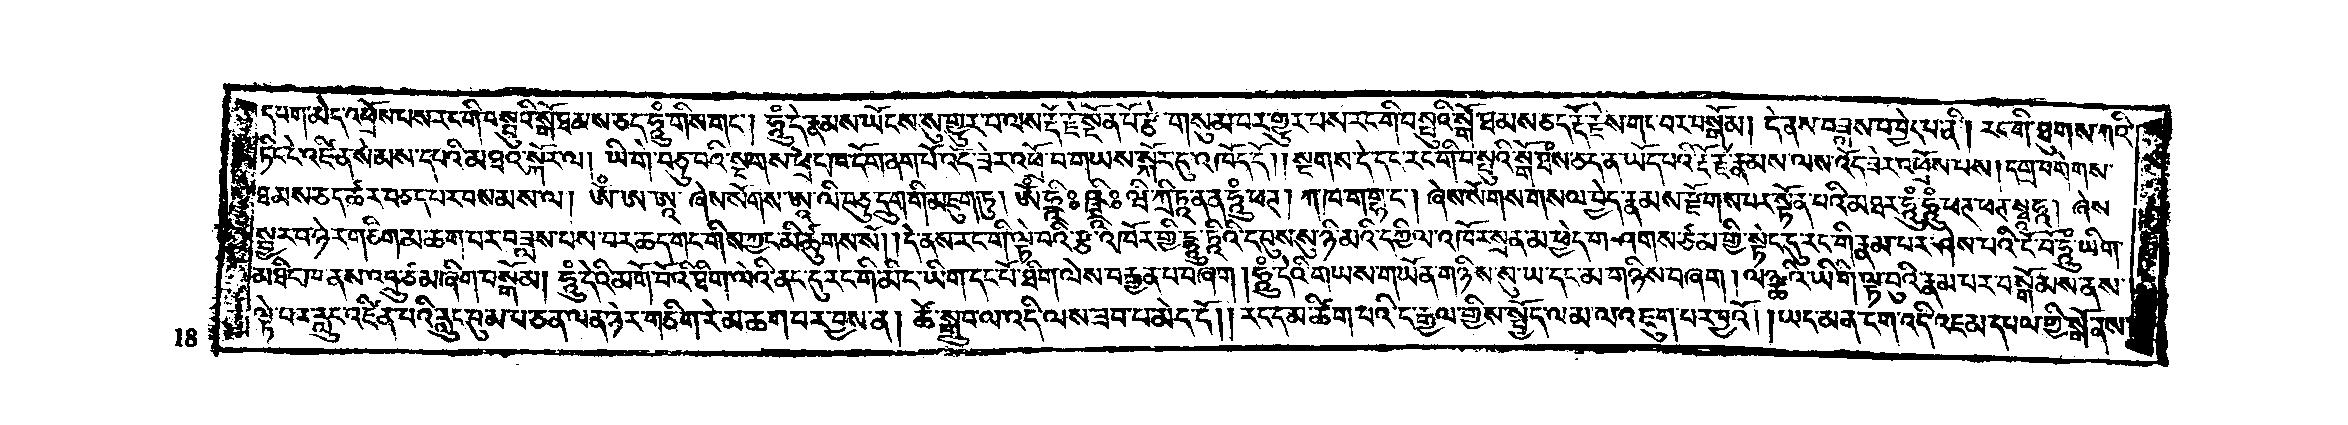དཔག་མེད་འཕྲོས་པས་རང་གི་བསྤུའི་སྒོ་ཐམས་ཅད་ཧཱུཾ་གིས་གང་། ཧཱུཾ་དེ་རྣམས་ཡོངས་སུ་གྱུར་པ་ལས་རྡོ་རྗེ་སྔོན་པོ་རྩེ་གསུམ་པར་གྱུར་པས་རང་གི་བསྤུའི་སྒོ་ཐམས་ཅད་རྡོ་རྗེས་གང་བར་བསྒོམ། དེ་ནས་བཟླས་པ་བྱེད་པ་ནི། རང་གི་ཐུགས་ཀའི་
ཏིང་ངེ་འཛིན་སེམས་དཔའི་མཐའ་སྐོར་ལ། ཡི་གེ་བཅུ་བའི་སྔགས་ཕྲེང་ཁ་དོག་ནག་པོ་འོད་ཟེར་འཕྲོ་བ་གཡས་སྐོར་དུ་འཁོད་དོ། །སྔགས་དེ་དང་རང་གི་བ་སྤུའི་སྒོ་ཐམས་ཅད་ན་ཡོད་པའི་རྡོ་རྗེ་རྣམས་ལས་འོད་ཟེར་འཕྲོས་པས། དགྲ་བགེགས་
ཐམས་ཅད་ཚར་བཅད་པར་བསམས་ལ། ཨོཾ་ཨ་ཨཱ་ཞེས་སོགས་ཨཱ་ལི་བཅུ་དྲུག་གི་མཇུག་ཏུ། ཨོཾ་ཧྲཱིཿ ཥྚྲཱིཿ ཝི་ཀྲི་ཏཱ་ན་ན་ཧཱུཾ་ཕཊ། ཀ་ཁ་ག་གྷ་ང་། ཞེས་སོགས་གསལ་བྱེད་རྣམས་རྫོགས་པར་སྟོན་པའི་མཐར་ཧཱུཾ་ཧཱུཾ་ཕཊ་ཕཊ་སྭཱཧཱ། ཞེས་
སྦྱར་བ་ཉེར་གཅིག་མ་ཆག་པར་བཟླས་པས་བར་ཆད་གང་གིས་ཀྱང་མི་ཚུགས་སོ། །དེ་ནས་རང་གི་ལྟེ་བའི་རྩ་འཁོར་གྱི་དྷཱུ་ཏཱིའི་དབུས་སུ་ཉི་མའི་དཀྱིལ་འཁོར་སྲན་མ་ཕྱེད་གཤགས་ཙམ་གྱི་སྟེང་དུ་རང་གི་རྣམ་པར་ཤེས་པའི་ངོ་བོ་ཧཱུཾ་ཡིག་
མཐིང་ཁ་ནས་འབྲུ་ཙམ་ཞིག་བསྒོམ། ཧཱུཾ་དེའི་མགོ་བོའི་ཐིག་ལེའི་ནང་དུ་རང་གི་མིང་ཡིག་དང་པོ་ཐིག་ལེས་བརྒྱན་པ་བཞག །ཧཱུཾ་དེའི་གཡས་གཡོན་གཉིས་སུ་ཡ་དང་མ་གཉིས་བཞག །ལཉྪའི་ཡི་གེ་ལྟ་བུའི་རྣམ་པར་བསྒོམས་ནས་
ལྟེ་བར་རླུང་འཛིན་པའི་རླུང་བུམ་པ་ཅན་ལན་ཉེར་གཅིག་རེ་མ་ཆག་པར་བྱས་ན། ཚེ་སྒྲུབ་ལ་འདི་ལས་ཟབ་པ་མེད་དོ། །རང་དམ་ཚིག་པའི་ང་རྒྱལ་གྱིས་སྤྱོད་ལམ་ལ་འཇུག་པར་བྱའོ། །ཡང་མན་ངག་འདི་འཇམ་དཔལ་གྱི་སྒོ་ནས་